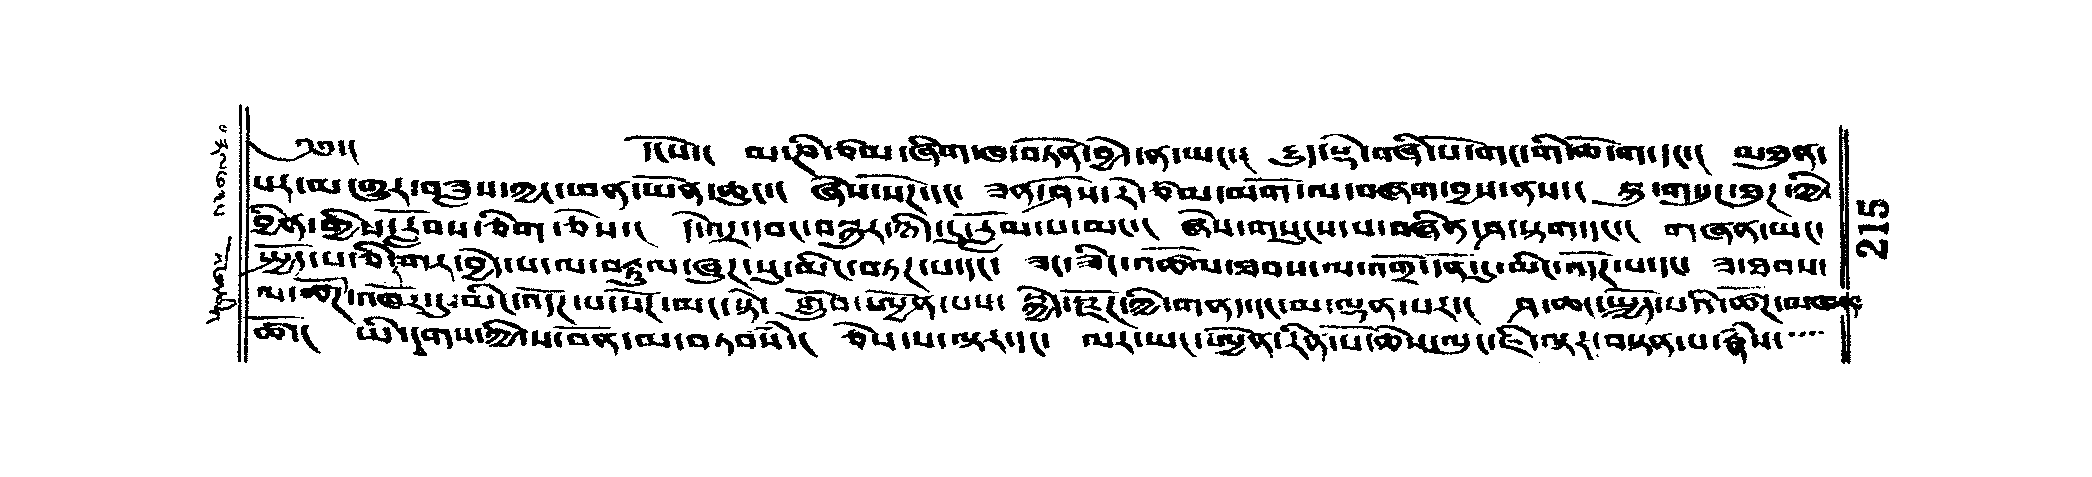དངོས། །མ་ཎི་ཙམ་ཞིག་ཁ་བཏོན་བྱེད་ན་ཡང་། །རྒྱུད་སྡེ་བཞི་པོ་གང་གི་ཆོ་ག་དང་། །མཐུན་
པར་མ་གྱུར་བཟླས་ཀྱང་ཕན་ཡོན་ཆུང་། ཞེས་སོགས་དང་། ཟན་ཤོས་རེ་ཙམ་མགོ་ལ་བཞག་བྱས་ནས། །སྐུ་གསུང་ཐུགས་ཀྱི་
བྱིན་གྱིས་རློབས་ཤིག་ཅེས། །དེ་འདྲ་དབང་བསྐུར་ཉིད་དུ་རློམ་པ་མང་། ཞེས་གསུངས་པ་བཞིན་ཤ་སྟག་དང་། གཞན་ཡང་
སྤྱོད་པ་ཅི་དགར་བྱེད་པ་ལ་བརྟུལ་ཞུགས་སུ་མིང་བཏགས་པ་དང་། ཟང་ཟིང་འཚོལ་ཐབས་ལ་འགྲོ་དོན་དུ་མིང་འདོགས་པ་དང་། ཟ་ཐབས་
ལ་ཚོགས་འཁོར་དུ་མིང་འདོགས་པ་སོགས་མང་སྟེ། གྲུབ་ཐོབ་ཨོ་རྒྱན་པས། བསྐྱེད་རྫོགས་ཀྱི་གནད་དང་མ་ལྡན་པར། །ཤ་ཆང་སྤྱོད་པའི་ཚོགས་མཁན་
ཚོ། །ཡི་དྭགས་ཀྱི་ས་བོན་མ་བཏབས་སམ། ཞེས་པ་ལྟར་དང་། ལར་ཡང་ཨོ་རྒྱན་རིན་པོ་ཆེས་ལུང་ཇི་ལྟར་བསྟན་པ་རྣམས་